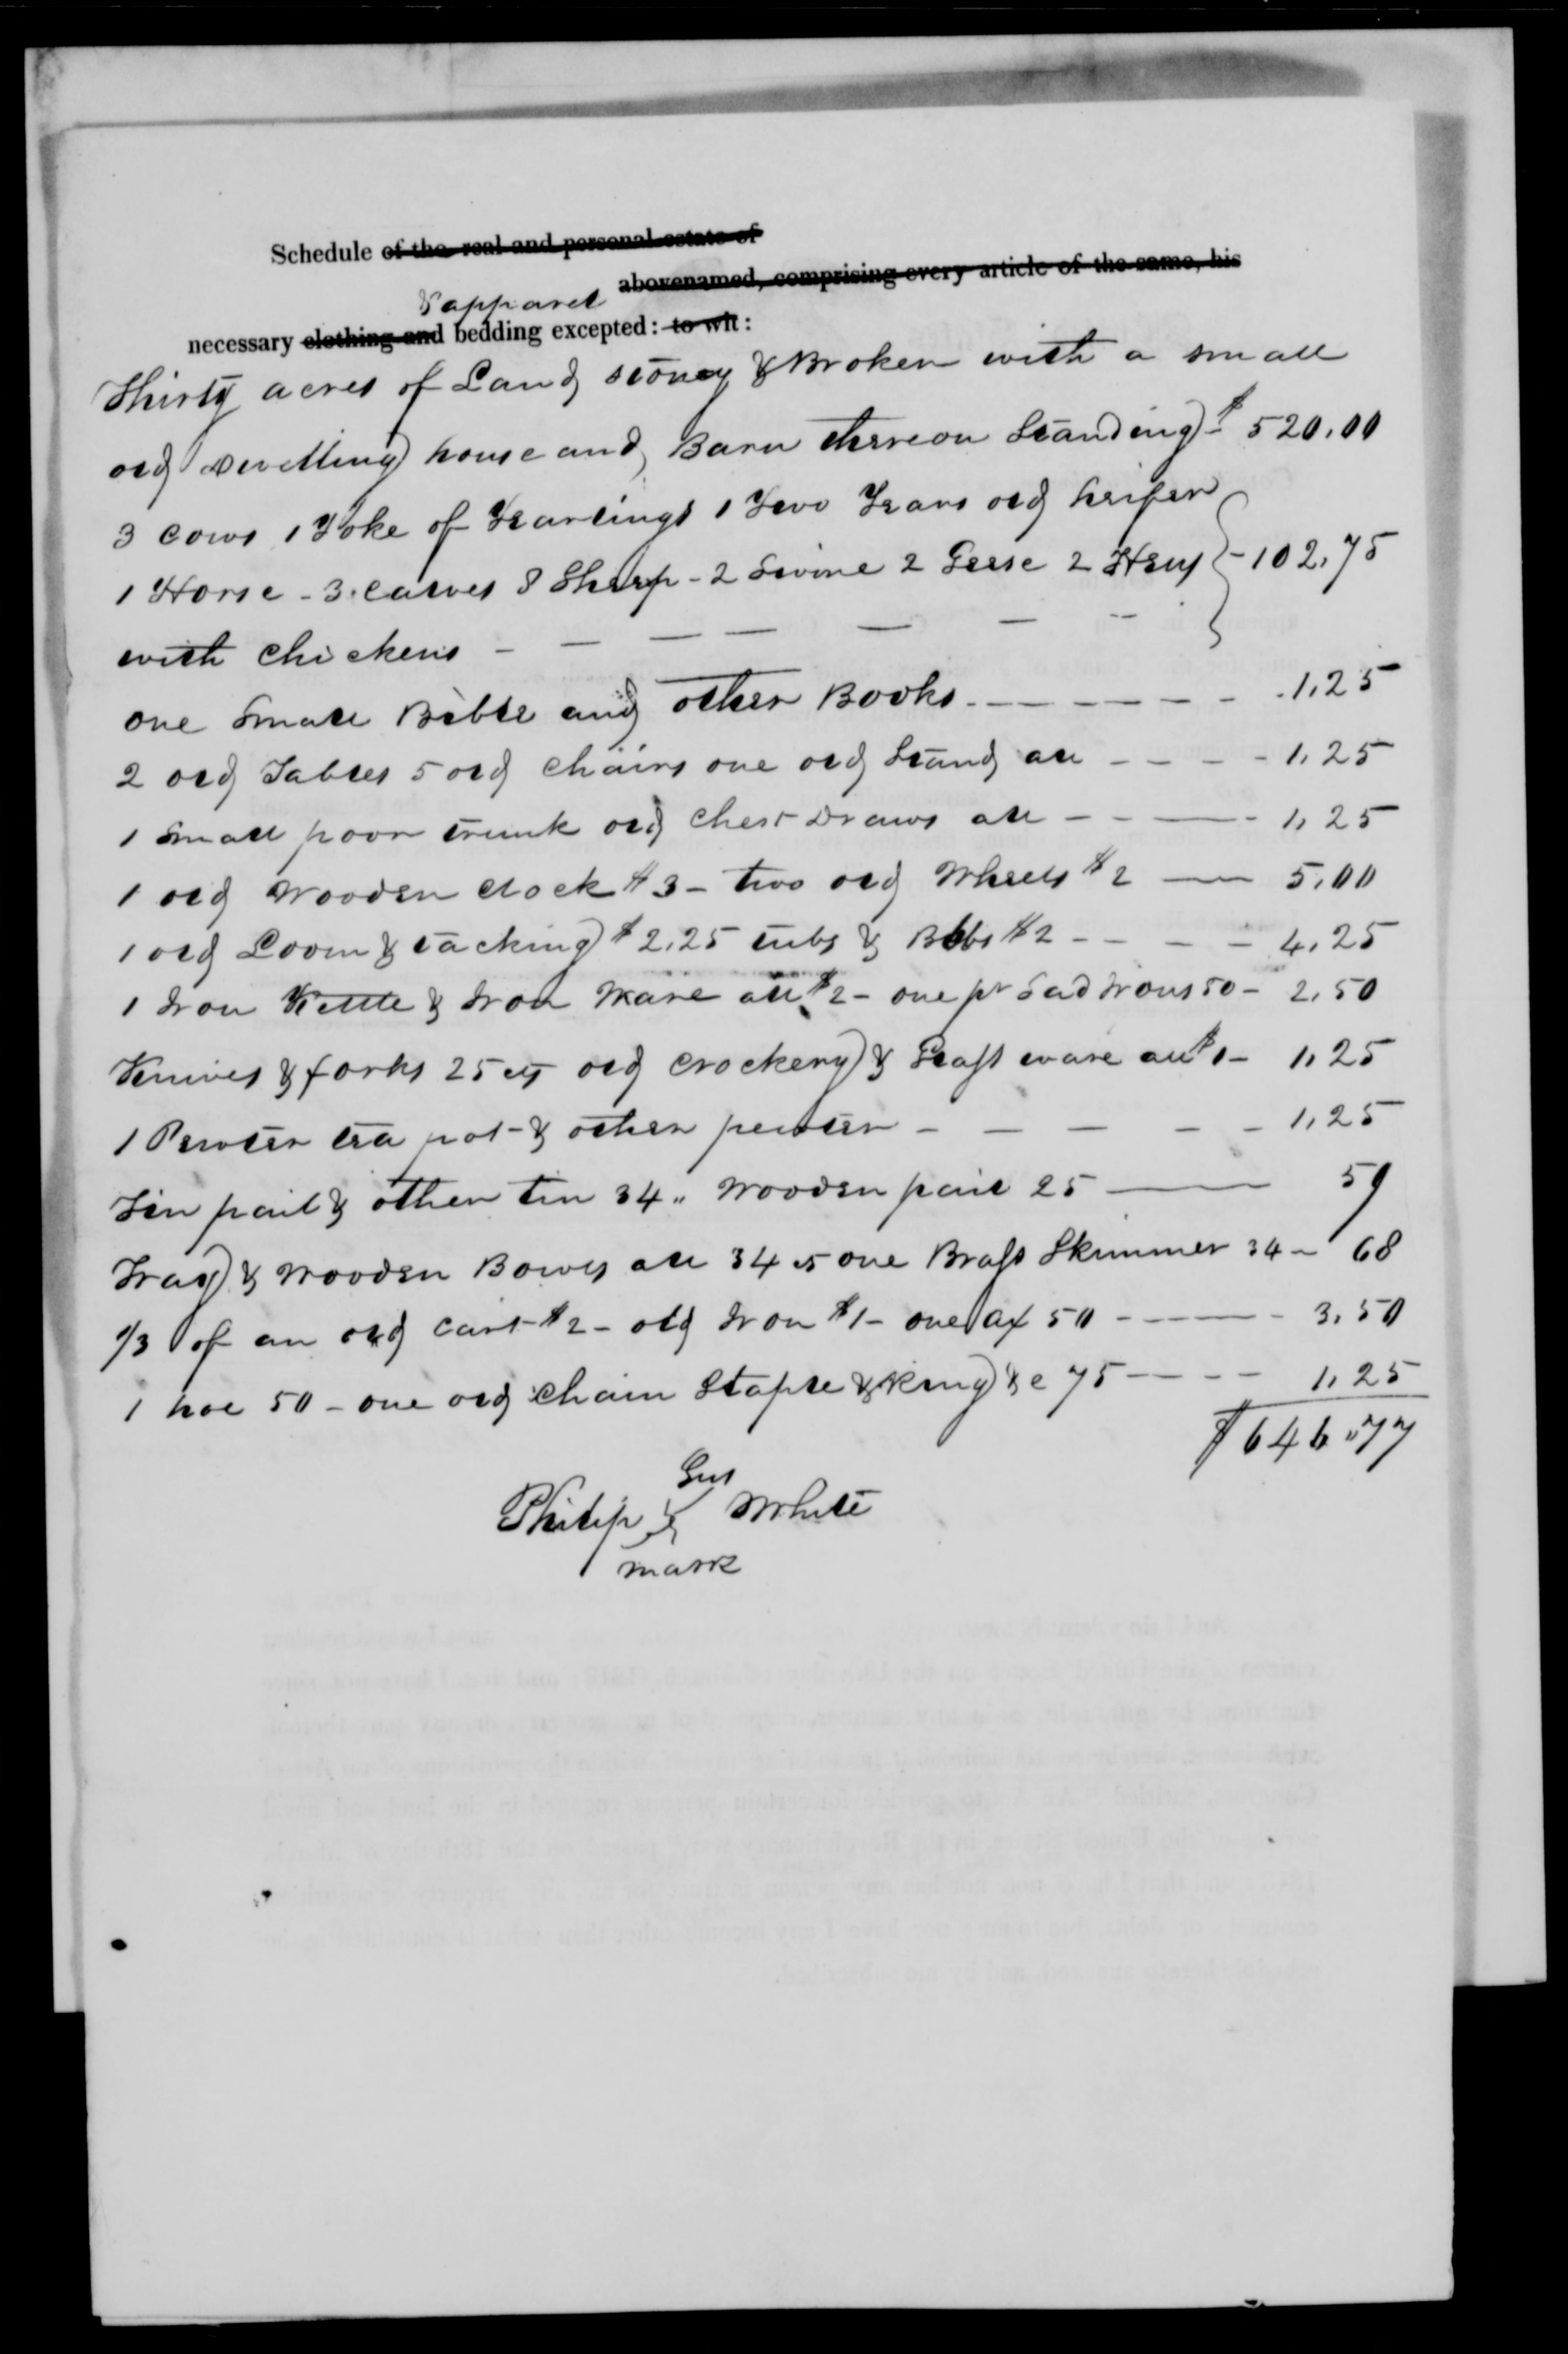Schedule [the rest of this line, crossed out:] of the real and  personnel estate of
[this line, crossed out:] abovenamed, comprising every article of the same, his
necessary [crossed out, two words:] clothing and [three words inserted: & app. and bedding excepted: [crossed out, two words:] to wit:
Thirty acres of Land stoney & Broken with a small
old Dwelling house and Barn thereon standing--------- $520.00
3 cows 1 yoke of Yearlings 1 Two years old heifer
1 Horse - 3 calves 8 Sheep - 2 [Illegible] 2 Geese 2 Hens
with chickens------------------------------------------------102.75
one small Bible and other Books------------------------------1.25
2 old Tables 5 old chairs one old Stand all--------------------1.25
1 small poor trunk ord Chest Draws all------------------------1.25
1 old wooden clock $3- two old Wheels $2-------------------5.00
1 old Loom & tacking $2.25 tubs & Bobs  $2-----------------4.25
1 Iron Kettle & Iron ware all $2 - one pr End irons 50-------- 2.50
knives & forks 25 cts old Crockery & Glass ware all $1-------1.25
1 Pewter tea pot  - & other pewter----------------------------1.25
Tin pail & other tin 34, wooden pail 25--------------------------59
Tray & wooden Bowls all 34 ct one Brass skimmer 34----------68
1/3 of an old Cart-$2 - old Iron $1- one ax 50------------------3,50
one hoe 50- one old chain Staple & Ring &e 75-------------------1.25
--------------------------------------------------------------$646.77
Philip X his mark White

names: Philip White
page: 9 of 50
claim: widow's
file: W. 25,969, Philip White, Conn.